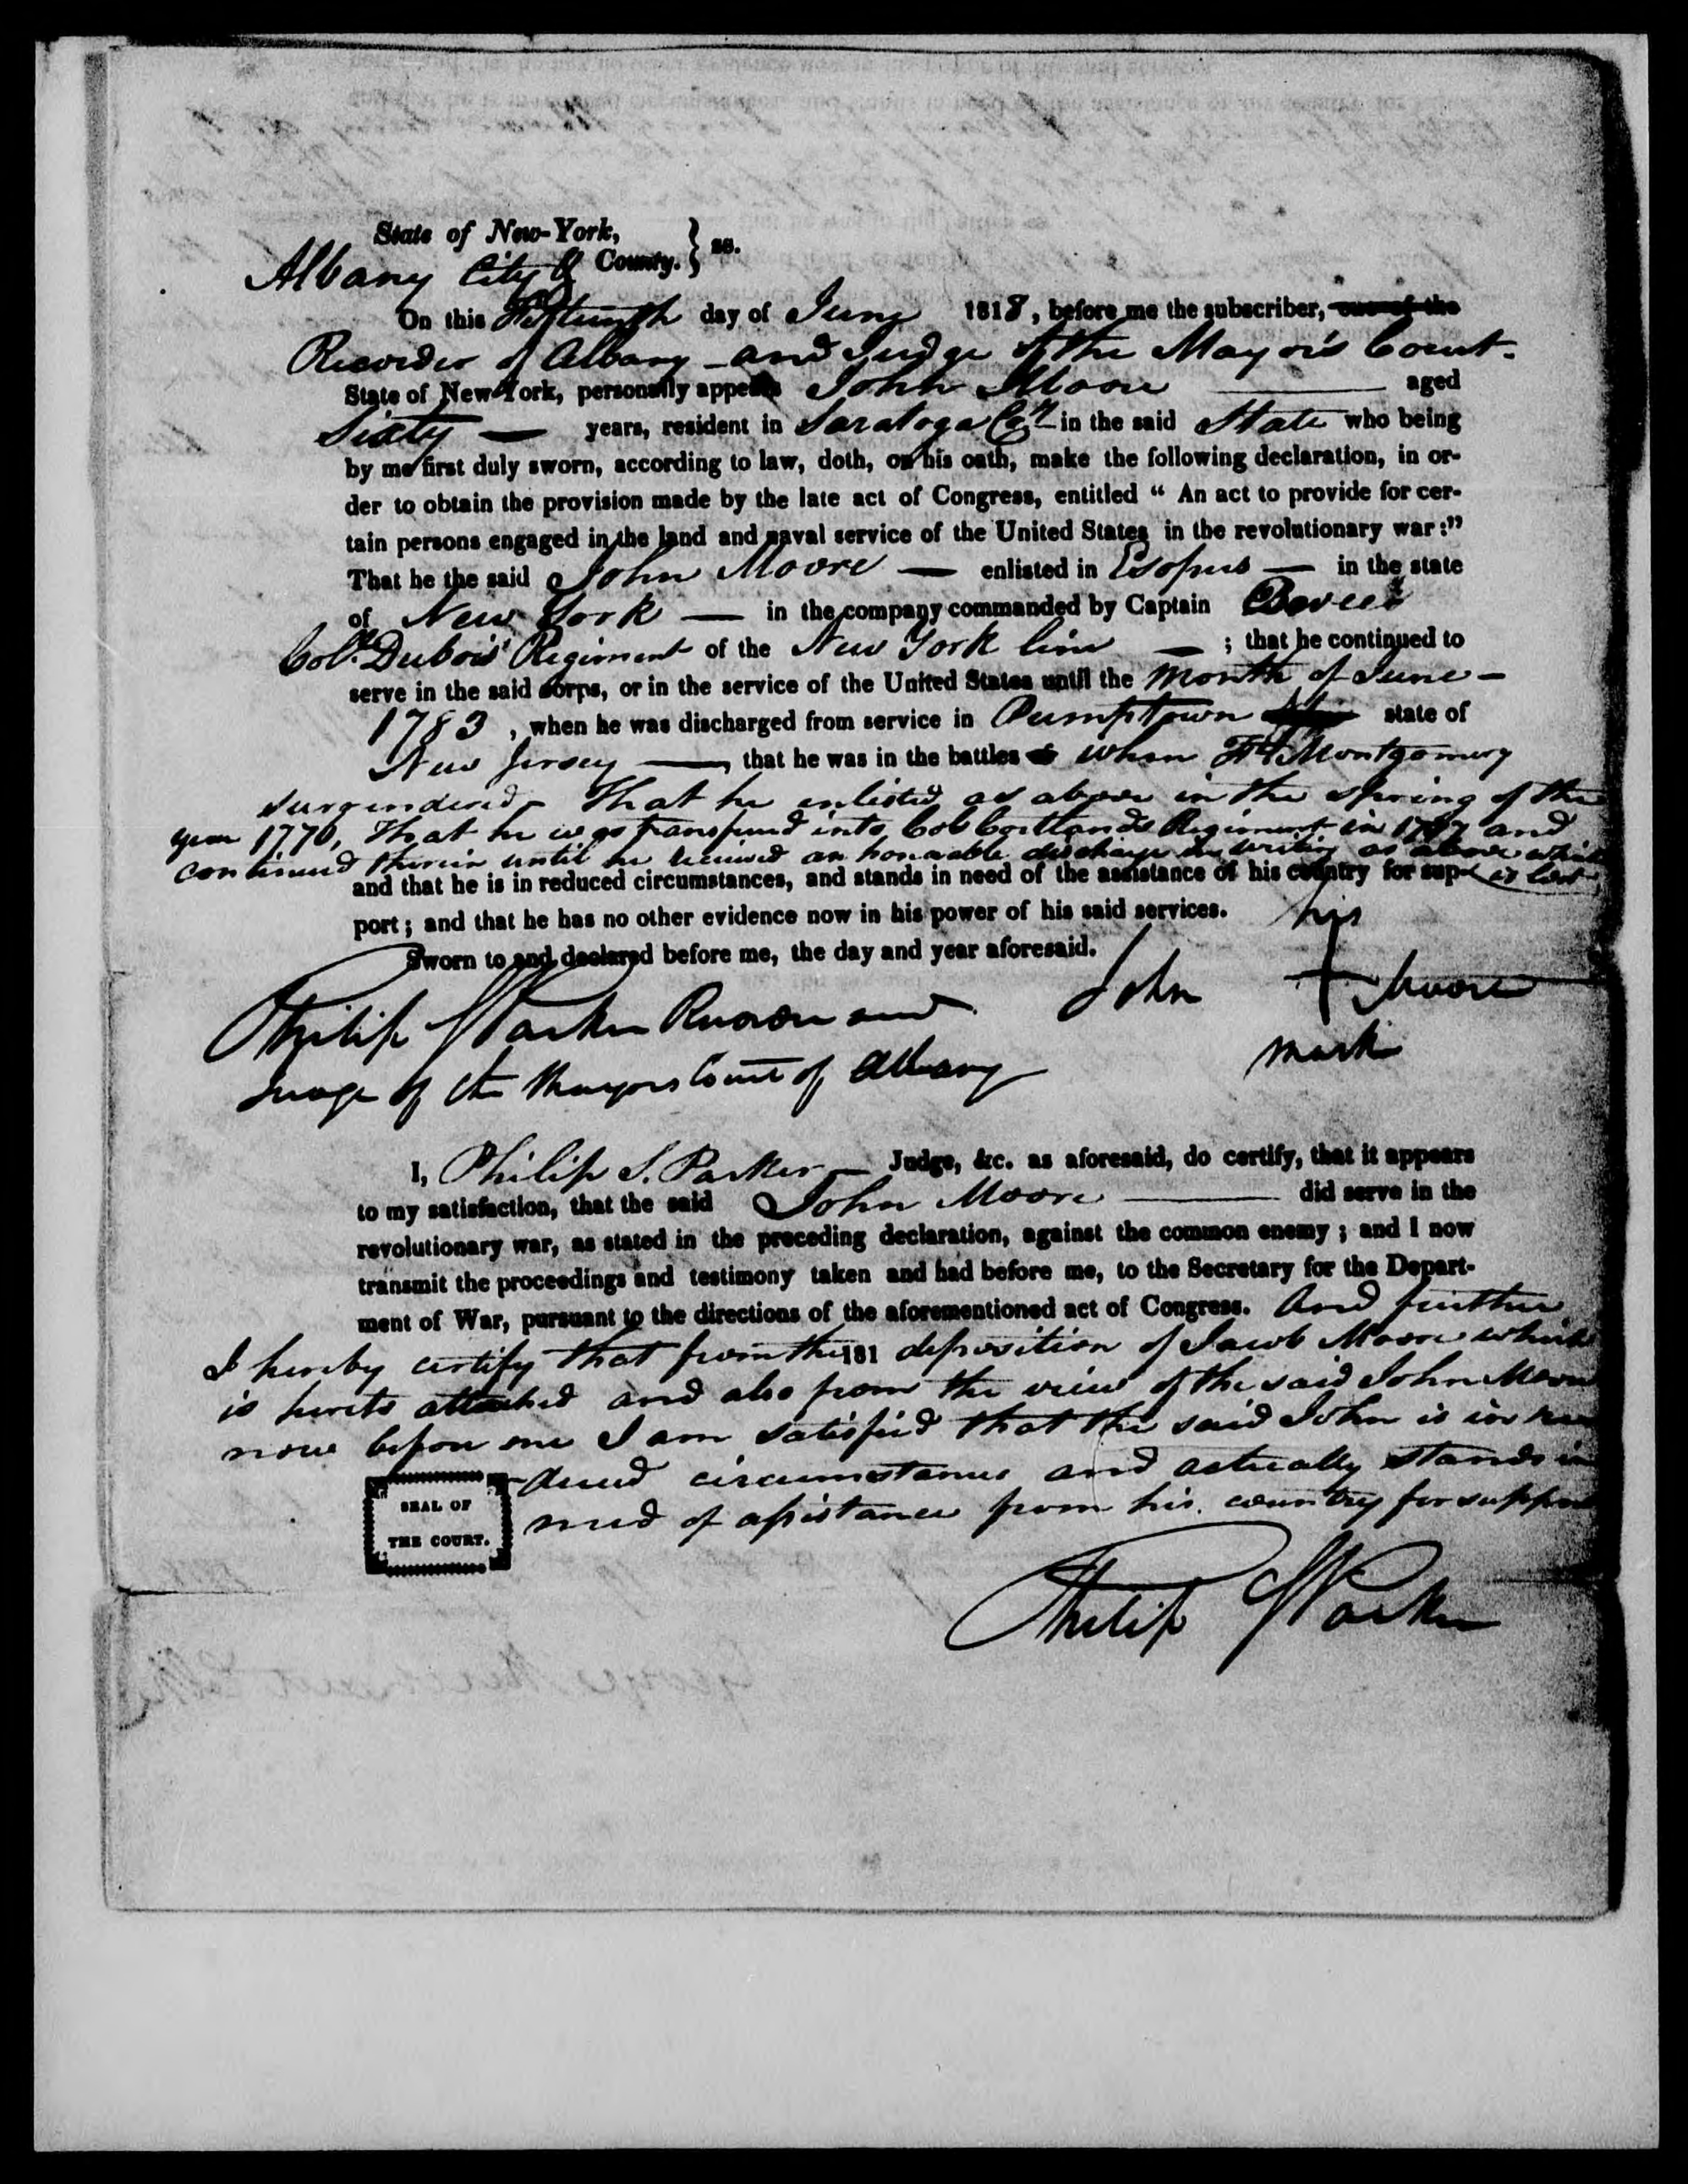State of New-York, 
Albany City & County. } ss.
On this Fifteenth day of June 1818, before me the subscriber, Recorder of Albany and Judge of the Mayor's Court State of New York, personally appeared John Moore aged Sixty years, resident in Saratoga Co in the said State who being by me first duly sworn, according to law, doth, on his oath, make the following declaration, in order to obtain the provision made by the late act of Congress, entitled "An act to provide for certain persons engaged in the land and naval service of the United States in the revolutionary war:" That he the said John Moore enlisted in Esopus in the state of New York in the company commanded by Captain Bevier Col Dubois’ Regiment of the New York line; that he continued to serve in the said corps, or in the service of the United States until the month of June 1783, when he was discharged from service in Pumptown state of New Jersey that he was in the battles when Ft. Montgomery Surrendered. That he enlisted as above in the spring of the year 1776, That he was transferred into Col Cortlands Regiment, in 1777 and continued therein until he received an honorable discharge in writing as above which is lost and that he is in reduced circumstances, and stands in need of the assistance of his country for support; and that he has no other evidence now in his power of his said services. 
[signed] John Moore  + his mark
Sworn to and declared before me, the day and year aforesaid. 
[signed] Philip Parker Recorder and Judge of the Mayors Court of Albany 

I, Philip S. Parker Judge, &c. as aforesaid, do certify, that it appears to my satisfaction, that the said John Moore did serve in the revolutionary war, as stated in the preceding declaration, against the common enemy; and I now transmit the proceedings and testimony taken and had before me, to the Secretary for the Department of War, pursuant to the directions of the aforementioned act of Congress. And further, I hereby certify that from the deposition of Jacob Moore which is hereto attached and also from the view of the said John Moore now before me I am satisfied that the said John is in reduced circumstances and actually stands in need of assistance from his country for support 
[signed] Philip S Parker

Seal of the Court.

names: John Moore; Philip S Parker; Jacob Moore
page: 7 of 15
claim: survivor's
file: S. 43029, for John Moore, New York